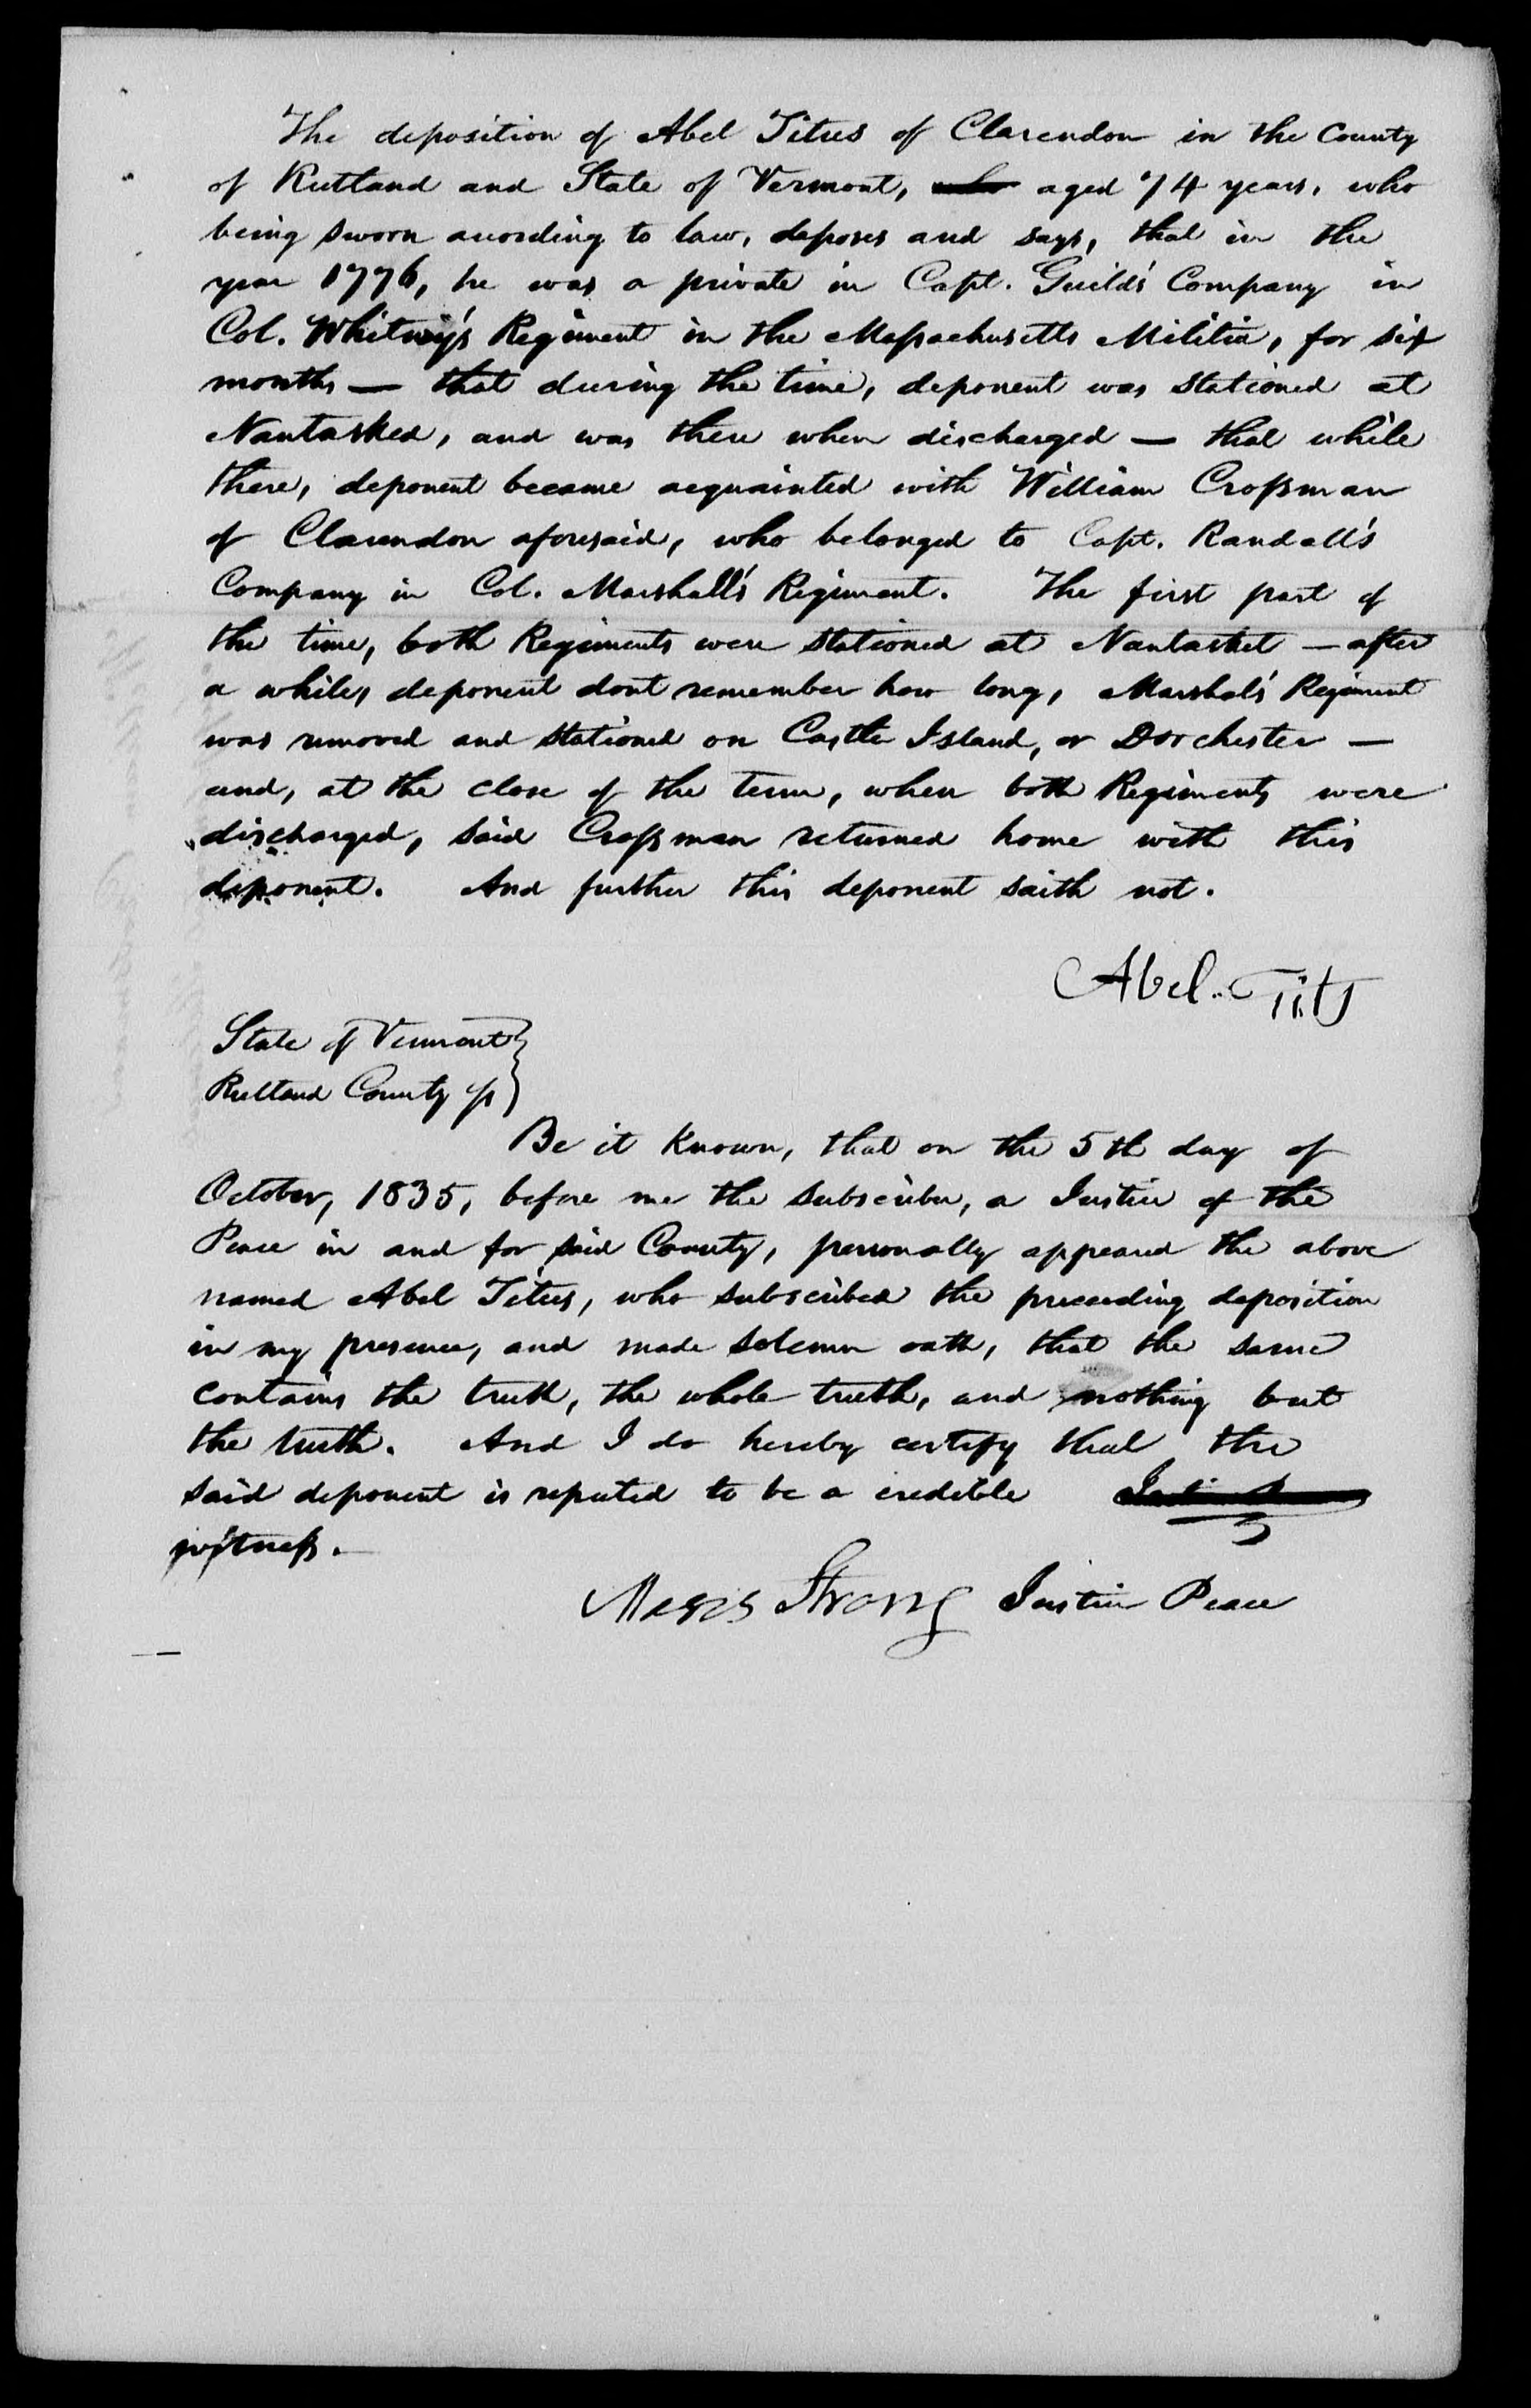The deposition of Abel Titus of Clarendon in the County of Rutland and State of Vermont, ['who' crossed out] aged 74 years, who being sworn according to law, deposes and says, that in the year 1776, he was a private in Capt. Guild's Company in Col. Whitney's Regiment in the Massachusetts Militia, for six months - that during the time, deponent was Stationed at Nantasket, and was there when discharged - that while there, deponent became acquainted with William Crossman of Clarendon aforesaid, who belonged to Capt. Randall's Company in Col. Marshall's Regiment. The first part of the time, both Regiments were stationed at Nantasket - after a while, deponent dont remember how long, Marshal's Regiment was removed and stationed on Castle Island, or Dorchester - and, at the close of the term, when both Regiments were discharged, said Crossman returned home with this deponent. And further this deponent saith not. 
/s/Abel Titus

State of Vermont
Rutland County ss} Be it known, that on the 5th day of October, 1835, before me the subscriber, a Justice of the Peace in and for said County, personally appeared the above named Abel Titus, who subscribed the preceding deposition in my presence, and made solemn oath, that the same contains the truth, the whole truth, and nothing but the truth. And I do hereby certify that the said deponent is reputed to be credible witness ['Justice Peace' crossed out
/s/Moses Strong Justice Peace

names: Abel Tits, Abel Titus, Moses Strong, William Crossman, Crossman, Abel Titus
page: 31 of 33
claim: survivor's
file: S. 12632, William Crossman, Mass. Vt.